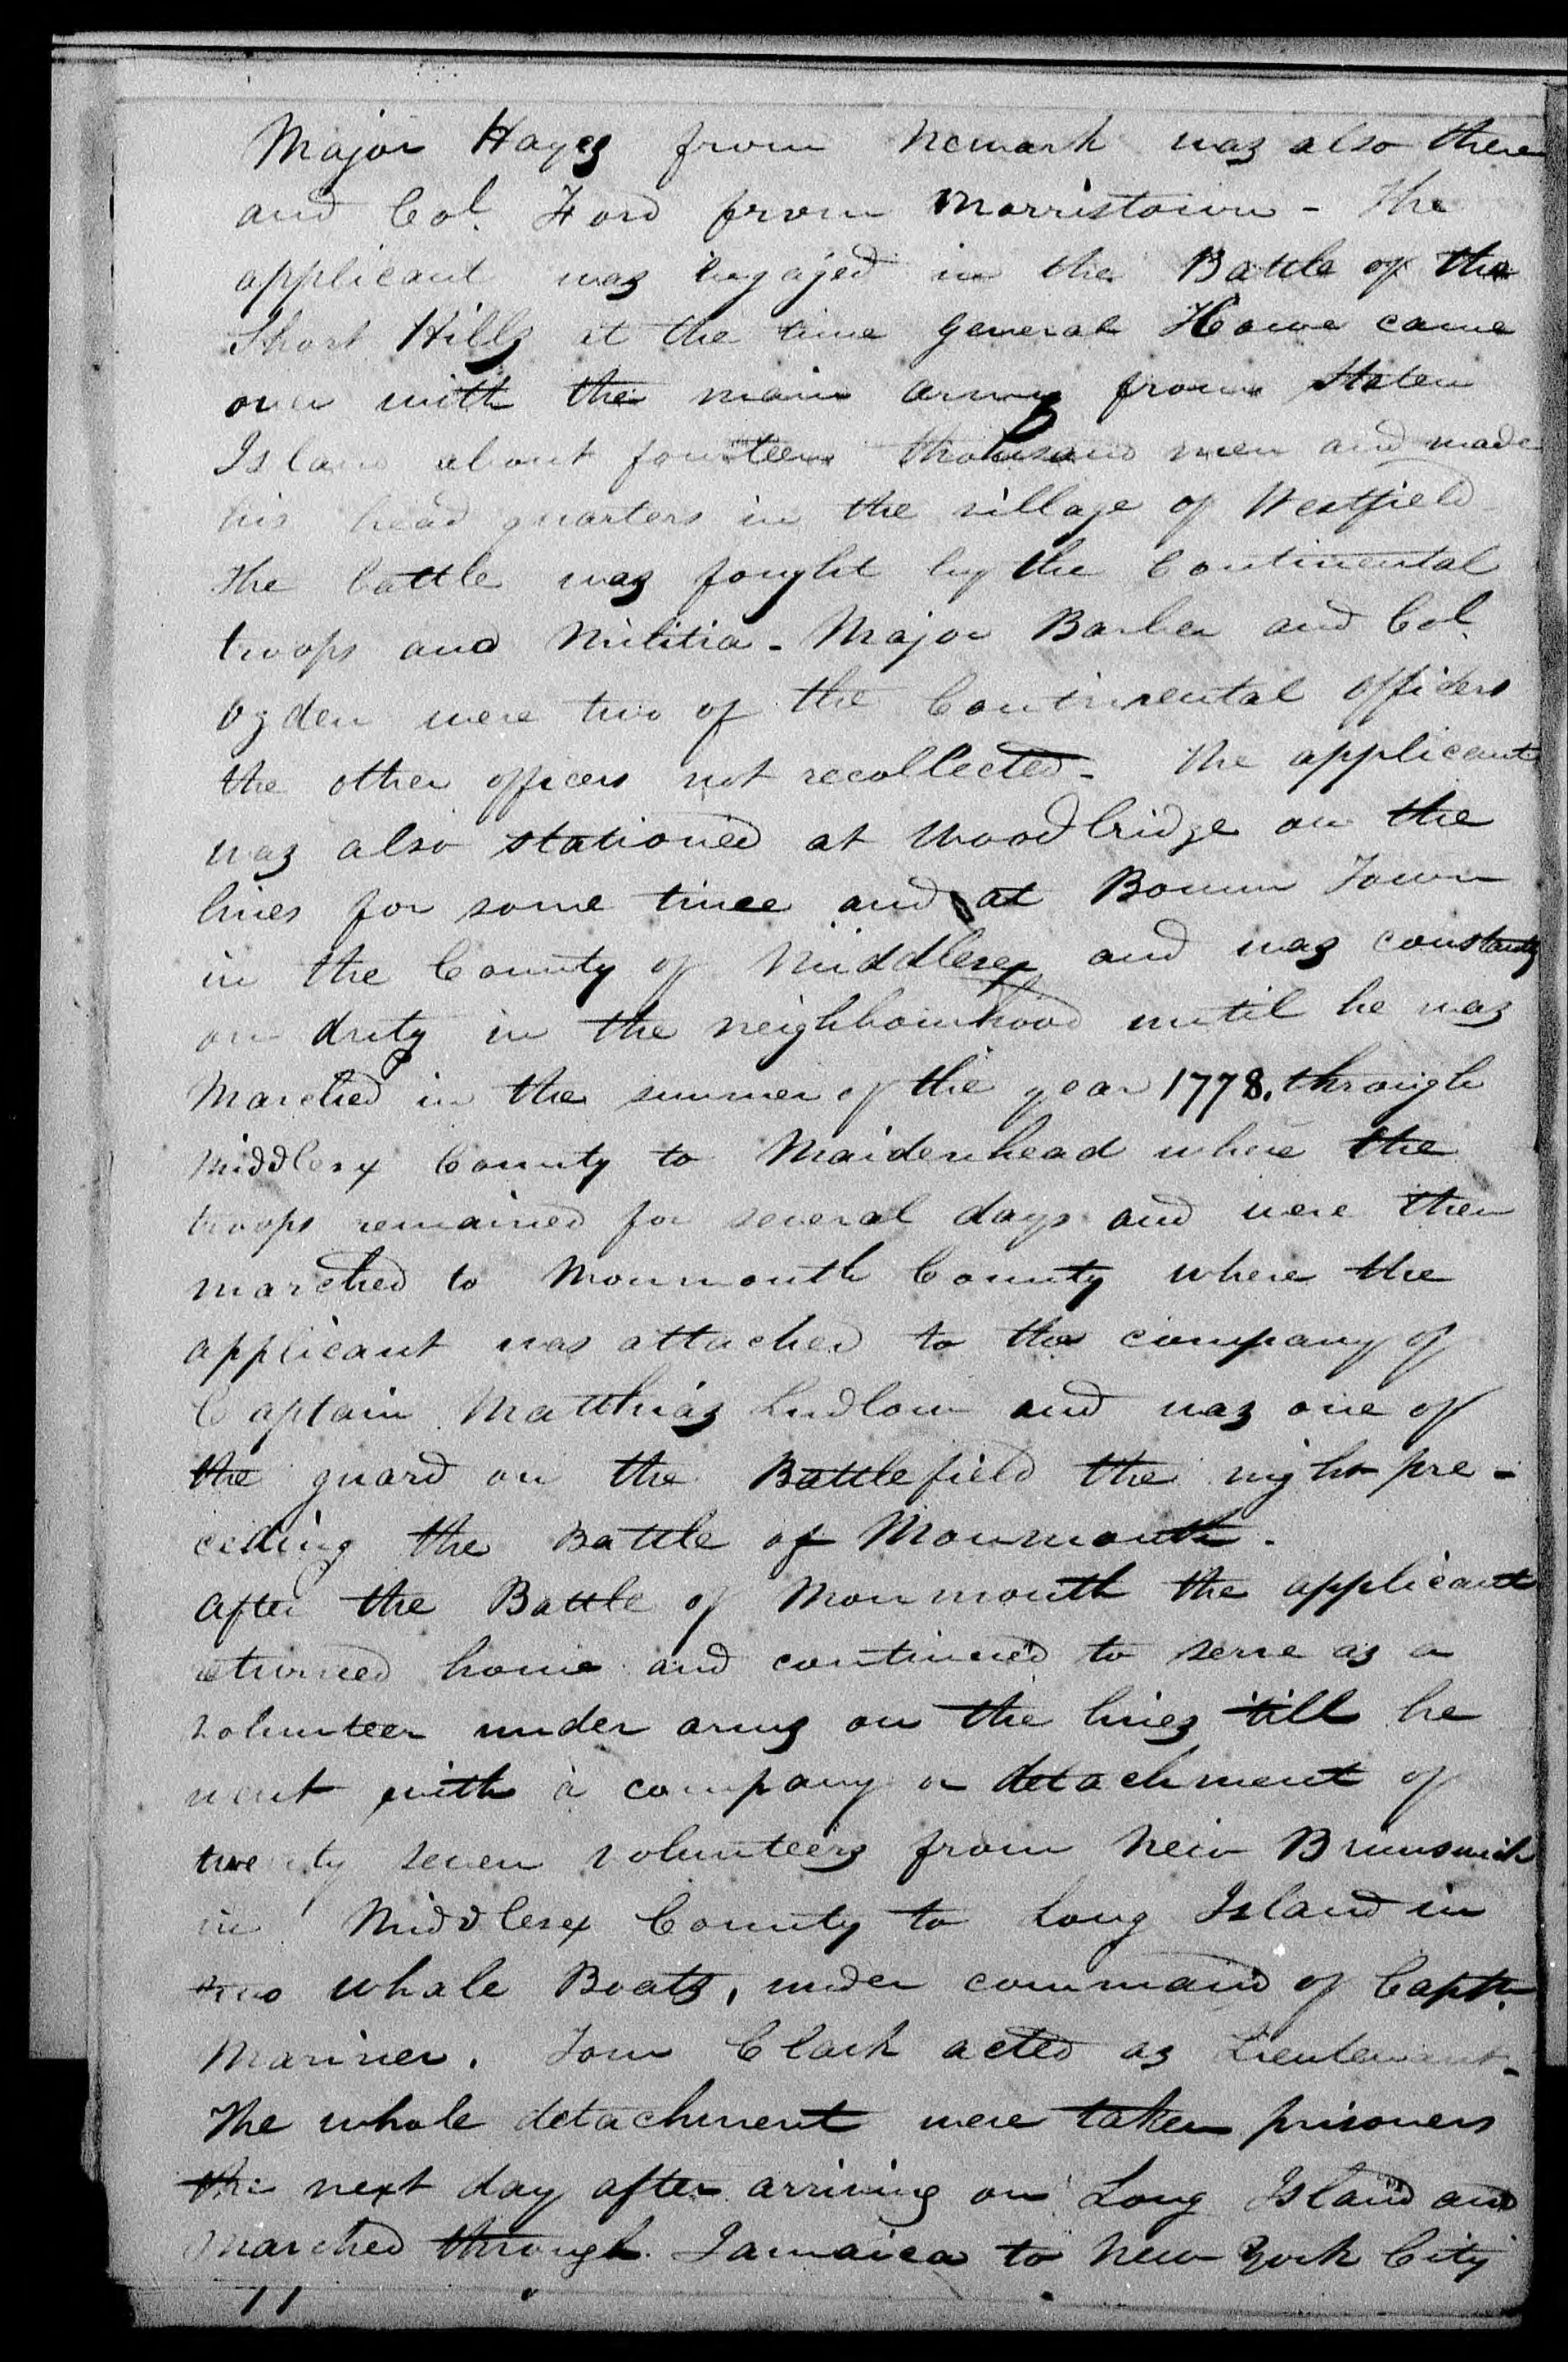Major Hayes from Newark was also there
and Col Ford from Morristown. The
applicant was engaged in the Battle of the
Short Hills at the time General Howe came
over with the main army from Staten Island about fourteen thousand men and made
his head quarters in the village of Westfield
the battle was fought by the Continental
troops and militia. Major Barber and Col
Ogden were two of the Continental officers
the other officers not recollected. The applicant was also stationed at Woodbridge on the
lines for some time and at Bowen Town
in the County of Middlesex and was constantly
on duty in the neighbourhood until he was
Marched in the summer of the year 1778, through Middlesex County to Maidenhead where the troops remained for several days and were then marched to Monmouth County where the applicant was attached to the company of Captain Matthias Ludlow and was one of the guard on the Battlefield the night preceding the Battle of Monmouth.
After the Battle of Monmouth the applicant
turned home and continued to serve as a
volunteer under arms on the lines till he
went with a company or detachment of
twenty seven volunteers from New Brunswick
and Middlesex County to Long Island in
two whale boats, under command of Capt 
Mariner, Tom Clark acted as Lieutenant.
The whole detachment were taken prisoners
the next day after arriving on Long Island and
marched through Jamaica to New York City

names: [BLANK] Ford; [BLANK] Matthias; [BLANK] Hayes; [BLANK] Mariner; [BLANK] Barber; [BLANK] Ogden; [BLANK] Howe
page: 8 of 49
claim: widow's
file: W. 859, for James Lambert, New Jersey